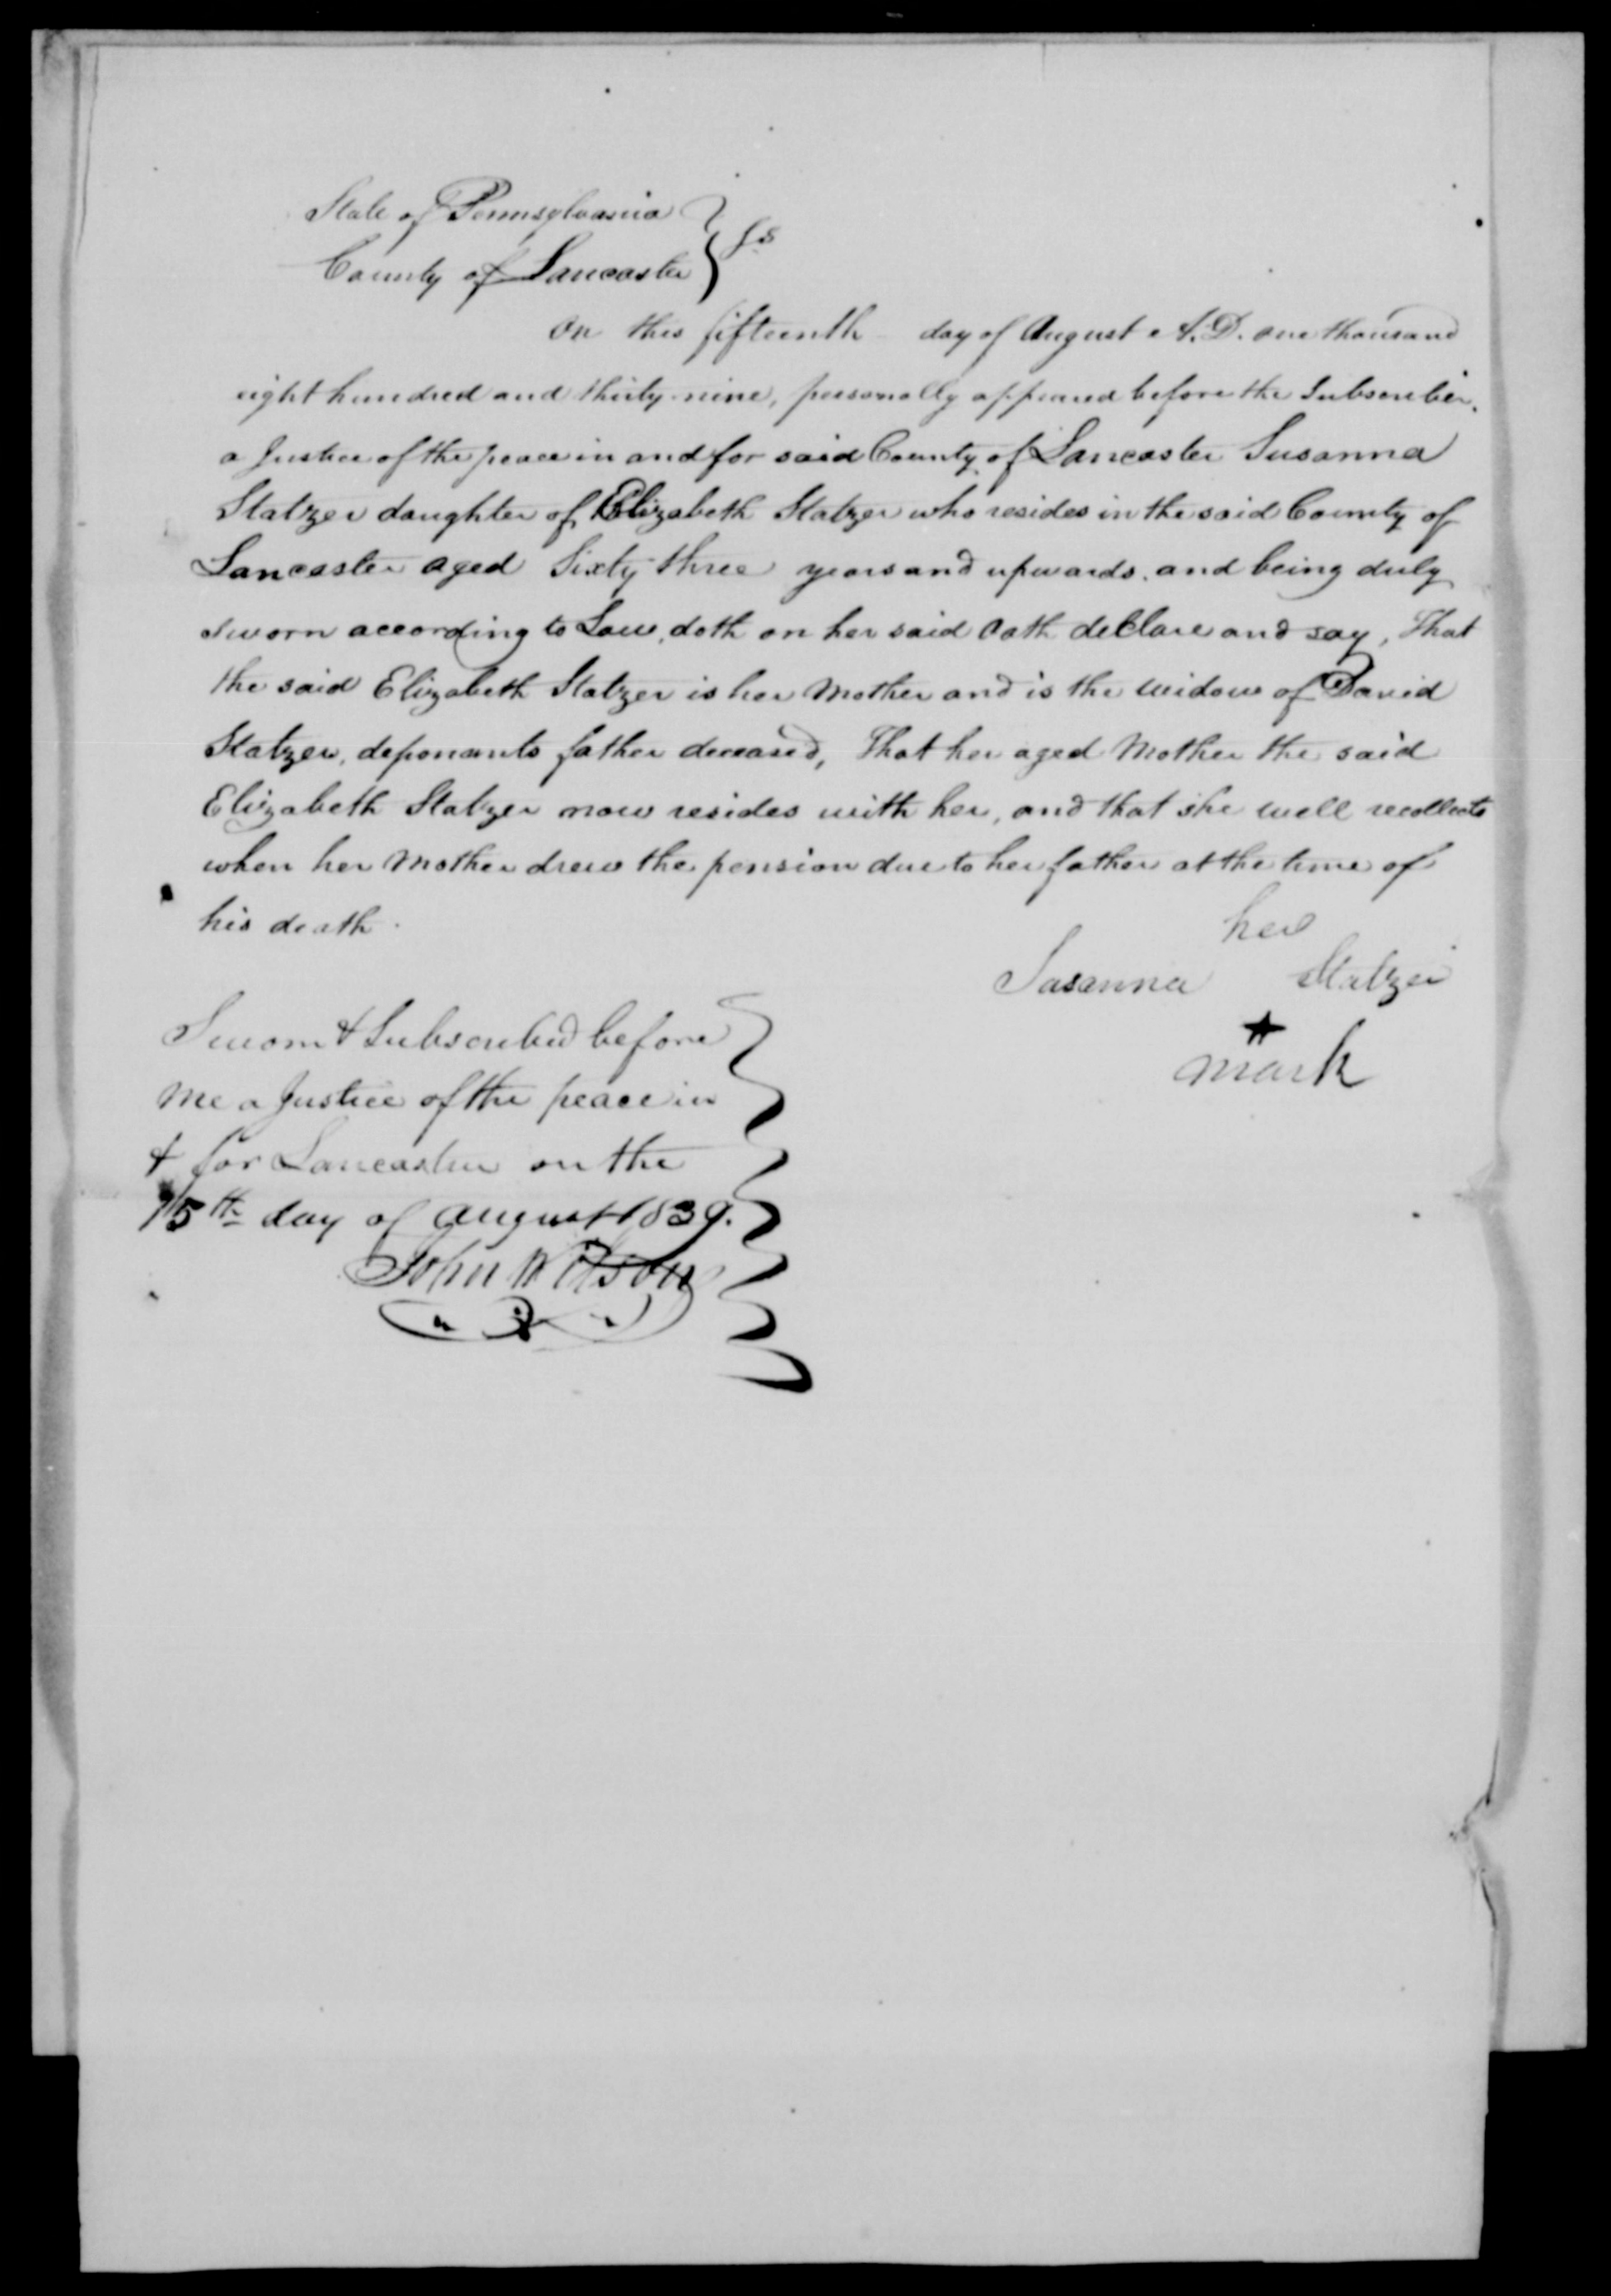State of Pennsylvania
County of Lancaster, SS.
On this fifteenth day of August A.D. one thousand eight hundred and thirty nine, personally appeared before the Subscribed, a Justice of the peace in and for said County of Lancaster, Susanna Statzer, daughter of Elizabeth Statzer, who resides in the said County of Lancaster, aged Sixty three years and upwards and being duly sworn according to Law, doth on her said oath declare and say, that the said Elizabeth Statzer is her mother and is the widow of David Statzer, deponent's father, deceased. That her aged mother, the said Elizabeth Statzer, now resides with her, and that she well recollects when her mother drew the pension due to her father at the time of his death.
Susanna Statzer [her mark]
Sworn and subscribed before me, a Justice of the peace in and for Lancaster on the 15th day of August 1839.
John Wilson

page: 17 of 28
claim: widow's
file: W. 3163, for David Statser, Pennsylvania